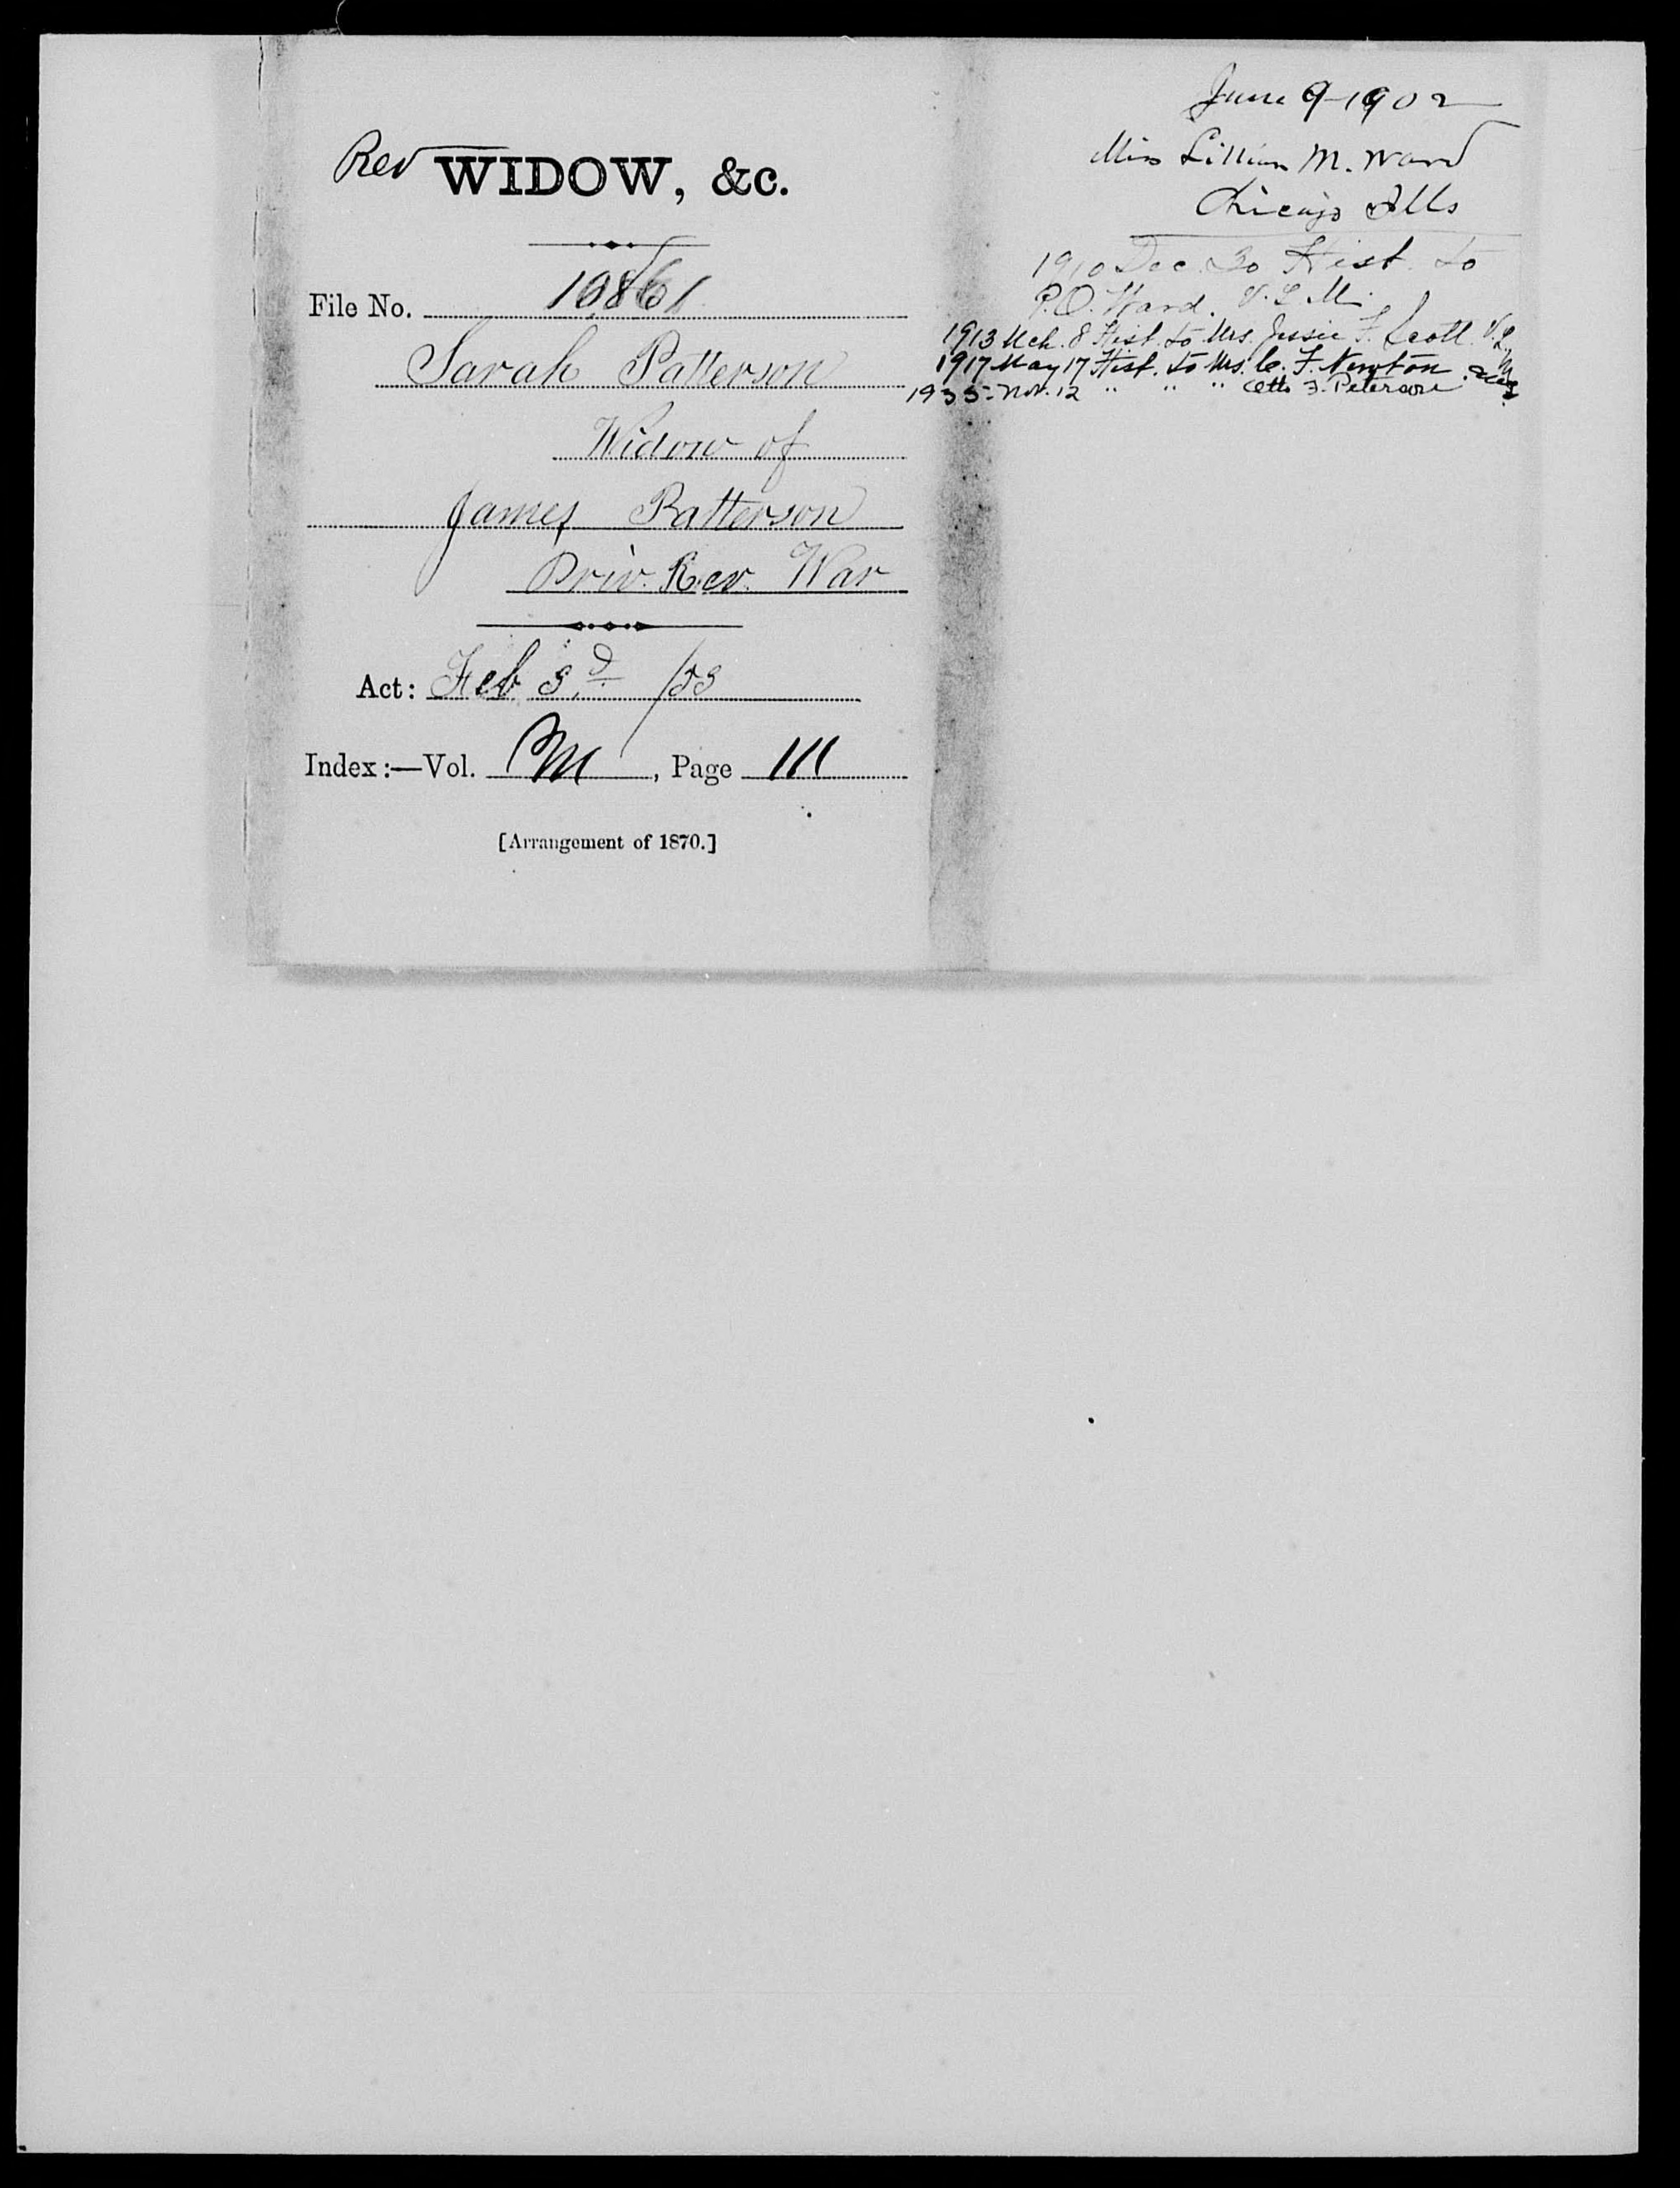Rev WIDOW, &c.
File No. 10861 
Sarah Patterson 
Widow of 
James Patterson 
Priv. Rev. War
Act: Feb 3rd /53
Index: - Vol. [illegible BM], Page 111

[Arrangement of 1870.]

June 9-1902
Miss Lillian M. Ward 
Chicago Ills
1910 Dec. 3d Hist to 
P.O. Ward, [illegible V. Lill.]
1913 Mch. 8 Hist. to Mrs. Jessie F. Scott V.L.
1917 May 17 Hist. to Mrs. C. F. Newton
1935 Nov. 12 Hist. to Mrs. [illegible cetts F.] Peterson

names: P O Ward; Sarah Patterson; James Patterson; F Peterson; Lillian M Ward; Jessie F Scott; C F Newton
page: 60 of 69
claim: widow's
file: W. 10861, for James Patterson, North Carolina